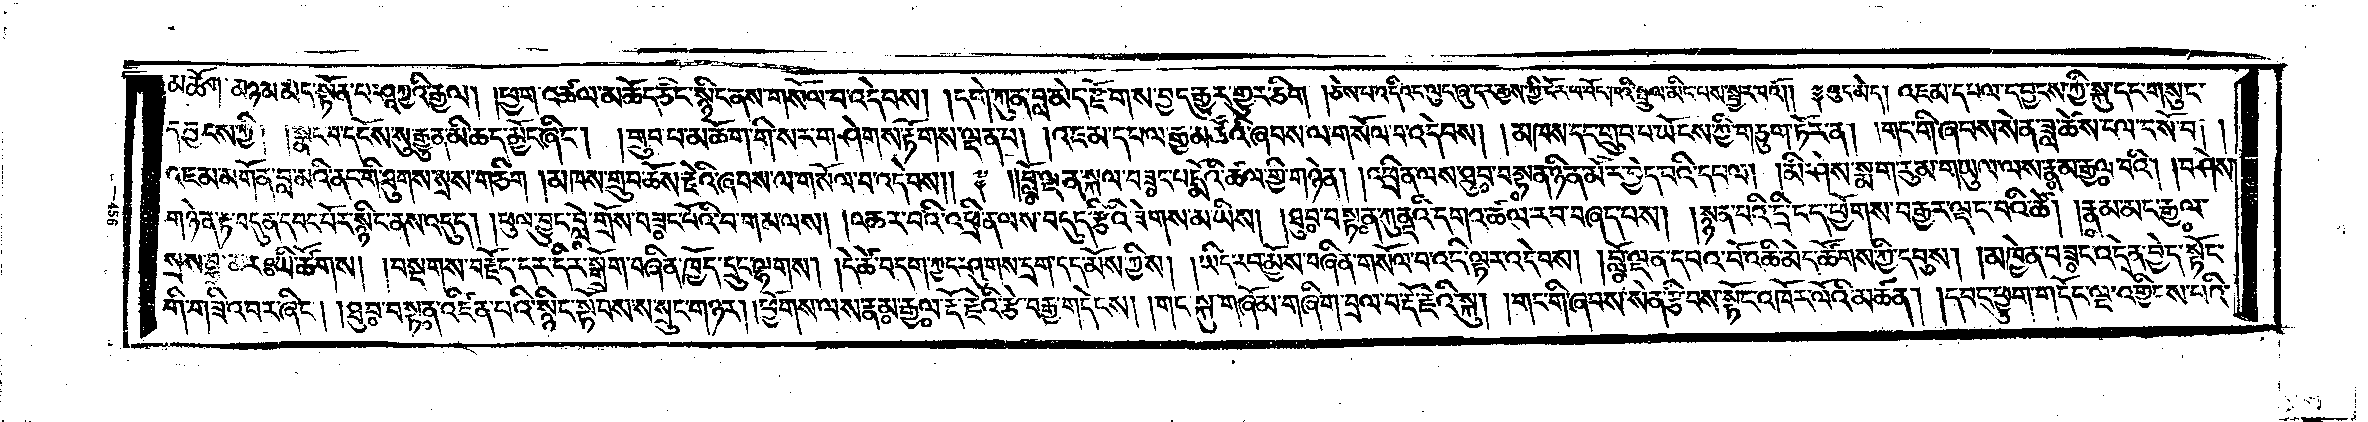མཆོག་མཉམ་མང་སྟོན་པ་ཤཱཀྱའི་རྒྱལ། །ཕྱག་འཚལ་མཆོད་ཅིང་སྙིང་ནས་གསོལ་བ་འདེབས། །དགེ་ཀུན་བླ་མེད་རྫོགས་བྱང་རྒྱུར་གྱུར་ཅིག་།ཅེས་པ་འདིའང་ལུང་ཞུ་དར་རྒྱས་ཀྱི་ངོར་བ་འོང་ཁའི་སྤྲུལ་མིང་པས་སྦྱར་བའོ།། ༈ ལུང་མེད།  འཇམ་དཔལ་དབྱངས་ཀྱི་སྐུ་དང་གསུང་
དབྱངས་ཀྱི། །སྣང་བ་དངོས་སུ་རྒྱུན་མི་ཆད་མྱོང་ཞིང་། །གྲུབ་པ་མཆོག་གི་སར་གཤེགས་རྟོགས་ལྡན་པ། །འཇམ་དཔལ་རྒྱ་མཚོའི་ཞབས་ལ་གསོལ་བ་འདེབས། །མཁས་དང་གྲུབ་པ་ཡོངས་ཀྱི་གཙུག་ཏོར་ན། །གང་གི་ཞབས་སེན་ཟླ་ཚེས་ངལ་བསོ་བ། །
འཇམ་མགོན་བླ་མའི་ནང་གི་ཐུགས་སྲས་གཅིག །མཁས་གྲུབ་ཆོས་རྗེའི་ཞབས་ལ་གསོལ་བ་འདེབས།། ༈ །།བློ་ལྡན་སྐལ་བཟང་པདམོའི་ཚལ་གྱི་གཉེན། །འཕྲིན་ལས་ཐུབ་བསྟན་ཉིན་མོར་བྱེད་པའི་དཔལ། །མི་ཤེས་སྨག་རུམ་གཡུལ་ལས་རྣམ་རྒྱལ་བའི། །བཤེས་
གཉེན་རྟ་བདུན་དབང་པོར་སྙིང་ནས་འདུད། །ཕུལ་བྱུང་བློ་གྲོས་བཟང་པོའི་བ་གསལ་ལས། །འཆར་བའི་འཕྲིན་ལས་བདུད་རྩིའི་ཟེགས་མ་ཡིས། །ཐུབ་བསྟན་ཀུནྡའི་དགའ་ཚལ་རབ་བཞད་པས། །སྙན་པའི་དྲི་ངད་ཕྱོགས་བརྒྱར་ལྡང་བའི་ཚེ། །རྣམ་མང་རྒྱལ་
སྲས་བྷྲ་མརཿ ཡི་ཚོགས། །བསྔགས་བརྗོད་དར་དིར་སྒྲོག་བཞིན་ཁྱོད་དྲུང་ལྷགས། །དེ་ཚེ་བདག་ཀྱང་ཤུགས་དྲག་དད་མོས་ཀྱིས། །ཡིད་རབ་མྱོས་བཞིན་གསོལ་བ་འདི་ལྟར་འདེབས། །བློ་ལྡན་དབའ་བོ་འཆི་མེད་ཚོགས་ཀྱི་དབུས། །མཁྱེན་བཟང་འདྲེན་བྱེད་སྟོང་
གི་གཟི་འབར་ཞིང་། །ཐུབ་བསྟན་འཛིན་པའི་སྙིང་སྟོབས་ས་སྲུང་གཉར། །ཕྱོགས་ལས་རྣམ་རྒྱལ་རྡོ་རྗེའི་རྩེ་བརྒྱ་གདེངས། །གང་སྐུ་གཞོམ་གཞིག་བྲལ་བ་རྡོ་རྗེའི་སྐུ། །གང་གི་ཞབས་སེན་རྩིབས་སྟོང་འཁོར་ལོའི་མཚན། །དབང་ཕྱུག་གདོང་ལྔ་འགྱིངས་པའི་